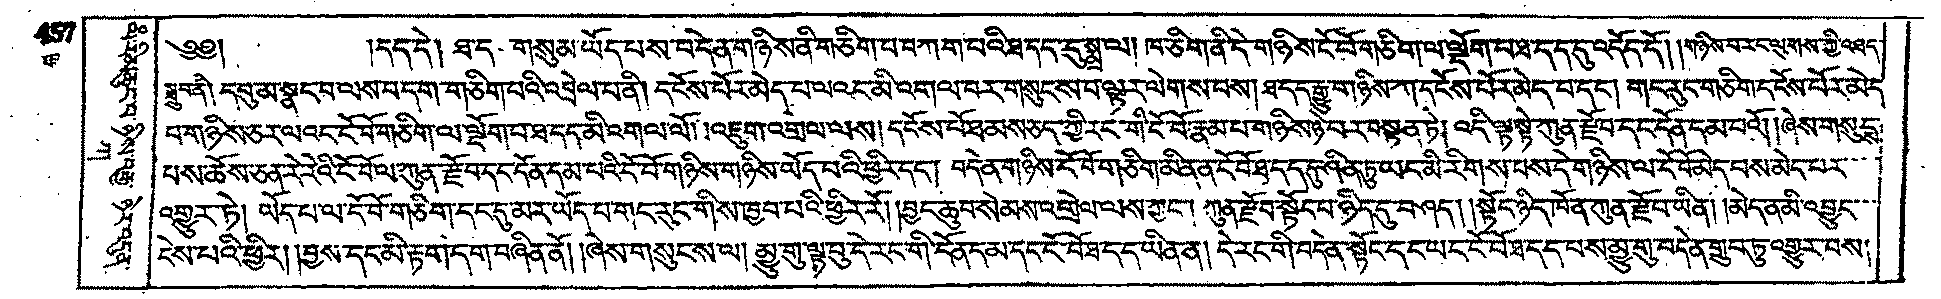༄༅། །དད་དེ། ཐ་ད་གསུམ་ཡོད་པས་བདེན་གཉིས་ནི་གཅིག་པ་བཀག་པའི་ཐ་དད་དུ་སྨྲ་ལ། ཁ་ཅིག་ནི་དེ་གཉིས་ངོ་བོ་གཅིག་ལ་ལྡོག་པ་ཐ་དད་དུ་འདོད་དོ། །གཉིས་པ་རང་ལུགས་ཀྱི་འཐད་
སྒྲུབ་ནི། དབུ་མ་སྣང་བ་ལས་བདག་གཅིག་པའི་འབྲེལ་པ་ནི། དངོས་པོར་མེད་པ་ལའང་མི་འགལ་བར་གསུངས་པ་ལྟར་ལེགས་པས། ཐ་དད་རྒྱུ་གཉིས་ཀ་དངོས་པོར་མེད་པ་དང་། གང་རུང་གཅིག་དངོས་པོར་མེད་
པ་གཉིས་ཅར་ལའང་ངོ་བོ་གཅིག་ལ་ལྡོག་པ་ཐ་དད་མི་འགལ་ལོ། །འཇུག་འགྲེལ་ལས། དངོས་པོ་ཐམས་ཅད་ཀྱི་རང་གི་ངོ་བོ་རྣམ་པ་གཉིས་ཉེ་བར་བསྟན་ཏེ། འདི་ལྟ་སྟེ་ཀུན་རྫོབ་དང་དོན་དམ་པའོ། །ཞེས་གསུངས་
པས་ཆོས་ཅན་རེ་རེའི་ངོ་བོ་ལ་ཀུན་རྫོབ་དང་དོན་དམ་པའི་ངོ་བོ་གཉིས་ཡོད་པའི་ཕྱིར་དང་། བདེན་གཉིས་ངོ་བོ་གཅིག་མིན་ན་ངོ་བོ་ཐ་དད་དུ་ཤིན་ཏུ་ཡང་མི་རིགས་པས་དེ་གཉིས་ལ་ངོ་བོ་མེད་པས་མེད་པར་
འགྱུར་ཏེ། ཡོད་པ་ལ་ངོ་བོ་གཅིག་དང་དུ་མར་ཡོད་པ་གང་རང་གིས་ཁྱབ་པའི་ཕྱིར་རོ། །བྱང་ཆུབ་སེམས་འགྲེལ་ལས་ཀྱང་། ཀུན་རྫོབ་སྟོང་པ་ཉིད་དུ་བཤད། །སྟོང་ཉིད་ཁོ་ན་ཀུན་རྫོབ་ཡིན། །མེད་ན་མི་འབྱུང་
ངེས་པའི་ཕྱིར། །བྱས་དང་མི་རྟག་དག་བཞིན་ནོ། །ཞེས་གསུངས་ལ། མྱུ་གུ་ལྟ་བུ་དེ་རང་གི་དོན་དམ་དང་ངོ་བོ་ཐ་དད་ཡིན་ན། དེ་རང་གི་བདེན་སྟོང་དང་ཡང་ངོ་བོ་ཐ་དད་པས་མྱུ་གུ་བདེན་གྲུབ་ཏུ་འགྱུར་བས།